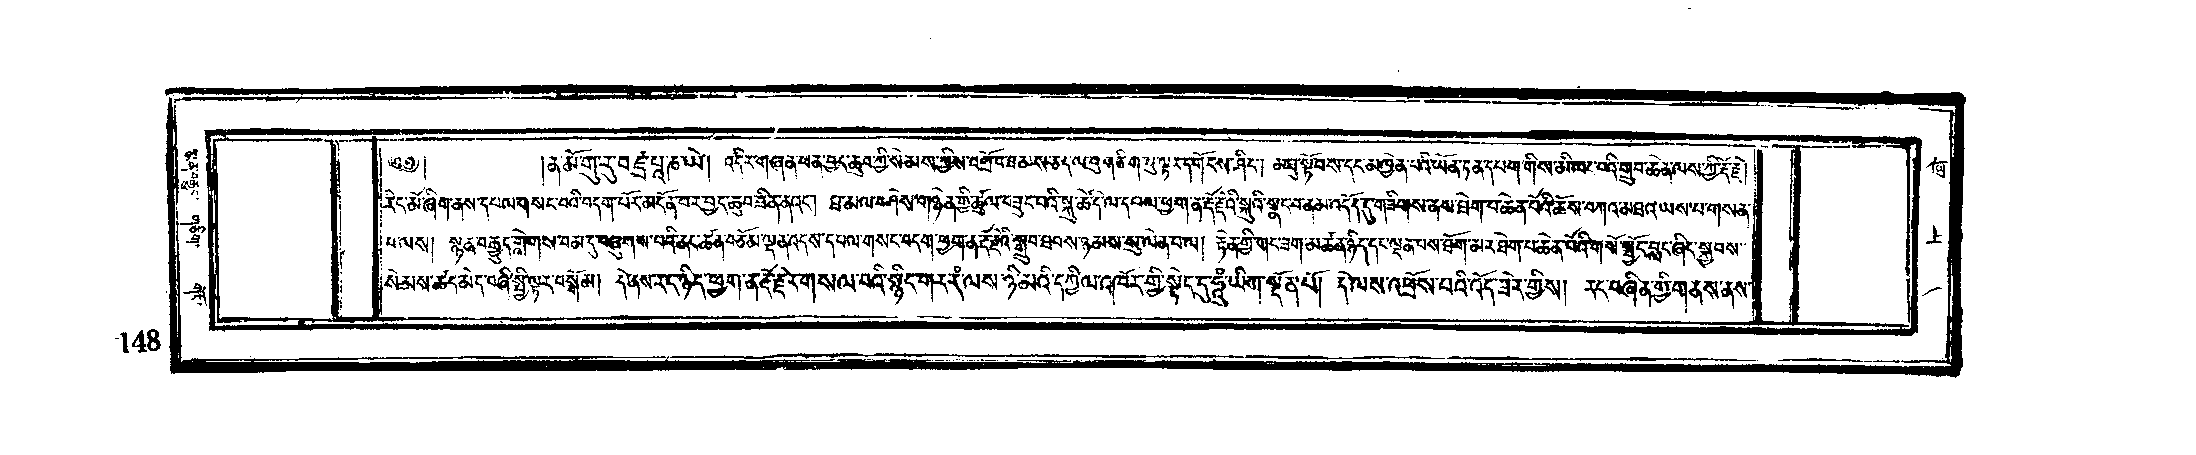༄༅། །ན་མོ་གུ་རུ་བཛྲ་པཱ་ཎ་ཡེ། འདིར་གཞན་ཕན་བྱང་ཆུབ་ཀྱི་སེམས་ཀྱིས་འགྲོ་བ་ཐམས་ཅད་ལ་བུ་གཅིག་པུ་ལྟར་དགོངས་ཤིང་། མཐུ་སྟོབས་དང་མཁྱེན་པའི་ཡོན་ཏན་དཔག་གིས་མི་ཁང་བའི་གྲུབ་ཆེན་ལས་ཀྱི་རྡོ་རྗེ།
རིང་མོ་ཞིག་ནས་དཔལ་གསང་བའི་བདག་པོར་མངོན་པར་བྱང་ཆུབ་ཟིན་ནའང་། ཐ་མལ་བཤེས་གཉེན་གྱི་ཚུལ་བཟུང་བའི་སྐུ་ཚེ་དེ་ལ་དཔལ་ཕྱག་ན་རྡོ་རྗེའི་སྐུའི་སྣང་བ་ནམ་འདོད་དུ་གཟིགས་ནས་ཐེག་པ་ཆེན་པོའི་ཆོས་བཀའ་མཐའ་ཡས་པ་གསན་
པ་ལས། སྙན་བརྒྱུད་གླེགས་བམ་དུ་བཞུགས་པའི་ནང་ཚན་བཅོམ་ལྡན་འདས་དཔལ་གསང་བདག་ཕྱག་ན་རྡོ་རྗེའི་སྒྲུབ་ཐབས་ཉམས་སུ་ལེན་པ་ལ། རྟེན་གྱི་གང་ཟག་མཚན་ཉིད་དང་ལྡན་པས་ཐོག་མར་ཐེག་པ་ཆེན་པོའི་གསོ་སྦྱོང་བླང་ཞིང་སྐྱབས་
སེམས་ཚད་མེད་བཞི་སྤྱི་ལྟར་བསྒོམ། དེ་ནས་རང་ཉིད་ཕྱག་ན་རྡོ་རྗེར་གསལ་བའི་སྙིང་གར་རཾ་ལས་ཉི་མའི་དཀྱིལ་འཁོར་གྱི་སྟེང་དུ་ཧཱུཾ་ཡིག་སྔོན་པོ། དེ་ལས་འཕྲོས་པའི་འོད་ཟེར་གྱིས། རང་བཞིན་གྱི་གནས་ནས་